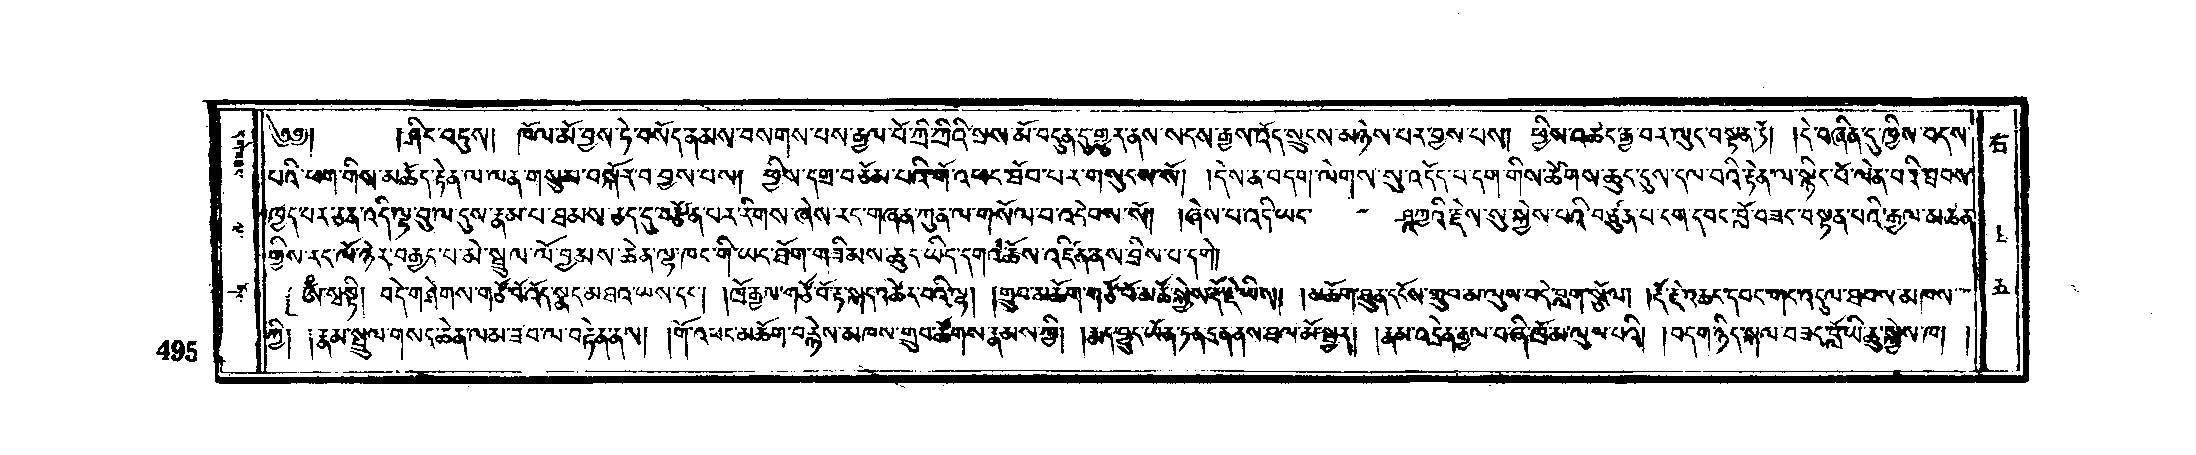༄༅། །ཤིང་བཏུས། ཁོལ་མོ་བྱས་ཏེ་བསོད་ནམས་བསགས་པས་རྒྱལ་པོ་ཀྲི་ཀྲིའི་སྲས་མོ་བདུན་དུ་གྱུར་ནས་སངས་རྒྱས་འོད་སྲུངས་མཉེས་པར་བྱས་པས། ཕྱིས་འཚང་རྒྱ་བར་ལུང་བསྟན་ཏོ། །དེ་བཞིན་དུ་ཁྱིས་བདས་
པའི་ཕག་གིས་མཆོད་རྟེན་ལ་ལན་གསུམ་བསྐོར་བ་བྱས་པས། ཕྱིས་དགྲ་བཅོམ་པའི་གོ་འཕང་ཐོབ་པར་གསུངས་སོ། །དེས་ན་བདག་ལེགས་སུ་འདོད་པ་དག་གིས་ཚེགས་ཆུང་དུས་དལ་བའི་རྟེན་ལ་སྙིང་པོ་ལེན་པའི་ཐབས་
ཁྱད་པར་ཅན་འདི་ལྟ་བུ་ལ་དུས་རྣམ་པ་ཐམས་ཅད་དུ་བརྩོན་པར་རིགས་ཞེས་རང་གཞན་ཀུན་ལ་གསོལ་བ་འདེབས་སོ། །ཞེས་པ་འདི་ཡང་། ༧་ཤཱཀྱའི་རྗེས་སུ་སྐྱེས་པའི་བཙུན་པ་ངག་དབང་བློ་བཟང་བསྟན་པའི་རྒྱལ་མཚན་
གྱིས་རང་ལོ་ཉེར་བརྒྱད་པ་མེ་སྦྲུལ་ལོ་བྱམས་ཆེན་ལྷ་ཁང་གི་ཡང་ཐོག་གཟིམས་ཆུང་ཡིད་དགའ་ཆོས་འཛིན་ནས་བྲིས་པ་དགེ།
༈ ཨོཾ་སྭ་སྟི། བདེ་གཤེགས་གཙོ་བོ་འོད་སྣང་མཐའ་ཡས་དང་། །ཁྲོ་རྒྱལ་གཙོ་བོ་རྟ་སྐད་འཚེར་བའི་ལྷ། །གྲུབ་མཆོག་གཙོ་བོ་མཚོ་སྐྱེས་རྡོ་རྗེ་ཡིས། །མཆོག་ཐུན་དངོས་གྲུབ་མ་ལུས་བདེ་བླག་སྩོལ། །རྡོ་རྗེ་འཆང་དབང་གང་འདུལ་ཐབས་མཁས་
ཀྱི༑ ༑རྣམ་སྤྲུལ་གསང་ཆེན་ལམ་ཟབ་ལ་བརྟེན་ནས། །གོ་འཕང་མཆོག་བརྙེས་མཁས་གྲུབ་ཚོགས་རྣམས་ཀྱི། །རྨད་བྱུང་ཡོན་ཏན་དྲན་ནས་ཐལ་མོ་སྦྱར། །རྣམ་འདྲེན་རྒྱལ་བ་ཞི་ཁྲོ་མ་ལུས་པའི། །བདག་ཉིད་སྐལ་བཟང་བློ་ཡི་ཆུ་སྐྱེས་ཁ། །